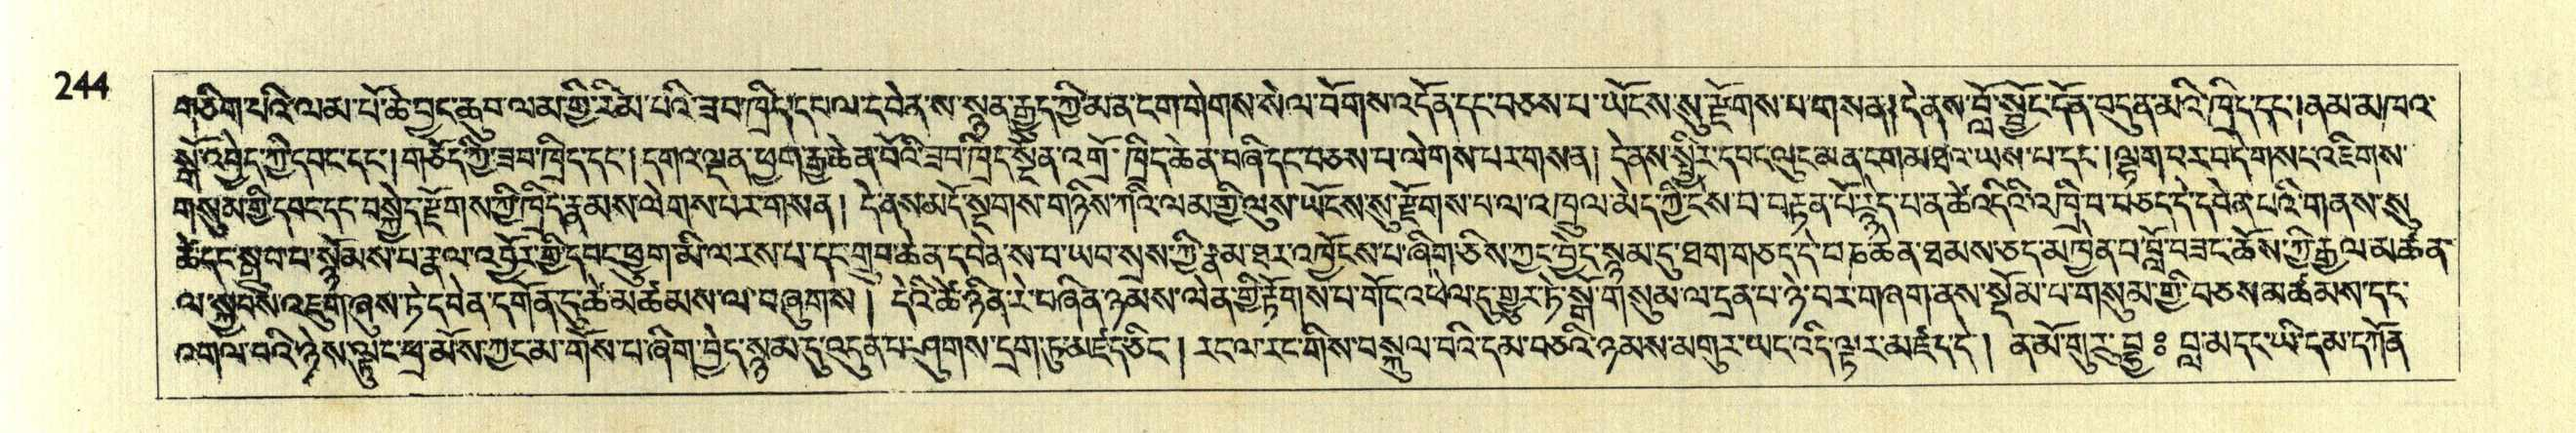གཅིག་པའི་ལམ་པོ་ཆེ་བྱང་ཆུབ་ལམ་གྱི་རིམ་པའི་ཟབ་ཁྲིད་དཔལ་དབེན་ས་སྙན་རྒྱུད་ཀྱི་མན་ངག་གེགས་སེལ་བོགས་འདོན་དང་བཅས་པ་ཡོངས་སུ་རྫོགས་པ་གསན། དེ་ནས་བློ་སྦྱོང་དོན་བདུན་མའི་ཁྲིད་དང་། ནམ་མཁའ་
སྒོ་འབྱེད་ཀྱི་དབང་དང་། གཅོད་ཀྱི་ཟབ་ཁྲིད་དང་། དགའ་ལྡན་ཕྱག་རྒྱ་ཆེན་བོའི་ཟབ་ཁྲིད་སྔོན་འགྲོ་ཁྲིད་ཆེན་བཞི་དང་བཅས་པ་ལེགས་པར་གསན། དེ་ནས་སྤྱིར་དབང་ལུང་མན་ངག་མཐའ་ཡས་པ་དང་། ལྷག་པར་བདེ་གསང་འཇིགས་
གསུམ་གྱི་དབང་དང་བསྐྱེད་རྫོགས་ཀྱི་ཁྲིད་རྣམས་ལེགས་པར་གསན། དེ་ནས་མདོ་སྔགས་གཉིས་ཀའི་ལམ་གྱི་ལུས་ཡོངས་སུ་རྫོགས་པ་ལ་འཁྲུལ་མེད་ཀྱི་ངེས་བ་བརྟན་པ་རྙེད་པ་ན་ཚེ་འདིའི་འཁྲི་བ་བཅད་དེ་དབེན་པའི་གནས་སུ་
ཚེ་དང་སྒྲུབ་པ་སྙོམས་པ་རྣལ་འབྱོར་གྱི་དབང་ཕྱུག་མི་ལ་རས་པ་དང་གྲུབ་ཆེན་དབེན་ས་པ་ཡབ་སྲས་ཀྱི་རྣམ་ཐར་འཁྱོངས་པ་ཞིག་ཅིས་ཀྱང་བྱེད་སྙམ་དུ་ཐག་གཅད་དེ་པཎ་ཆེན་ཐམས་ཅད་མཁྱེན་པ་བློ་བཟང་ཆོས་ཀྱི་རྒྱལ་མཚན་
ལ་སྐྱབས་འཇུག་ཞུས་ཏེ་དབེན་དགོན་དུ་ཚེ་མཚམས་ལ་བཞུགས། དེའི་ཚེ་ཉིན་རེ་བཞིན་ཉམས་ལེན་གྱི་རྟོགས་པ་གོང་འཕེལ་དུ་གྱུར་ཏེ་སྒོ་གསུམ་ལ་དྲན་པ་ཉེ་བར་གཞག་ནས་སྡོམ་པ་གསུམ་གྱི་བཅས་མཚམས་དང་
འགལ་བའི་ཉེས་ལྟུང་ཕྲ་མོས་ཀྱང་མ་གོས་པ་ཞིག་བྱེད་སྙམ་དུ་འདུན་པ་ཤུགས་དྲག་ཏུ་མཛད་ཅིང་། རང་ལ་རང་གིས་བསྐུལ་བའི་དམ་བཅའི་ཉམས་མགུར་ཡང་འདི་ལྟར་མཛད་དེ། ན་མོ་གུ་རུ་བྷྱཿ བླ་མ་དང་ཡི་དམ་དཀོན་